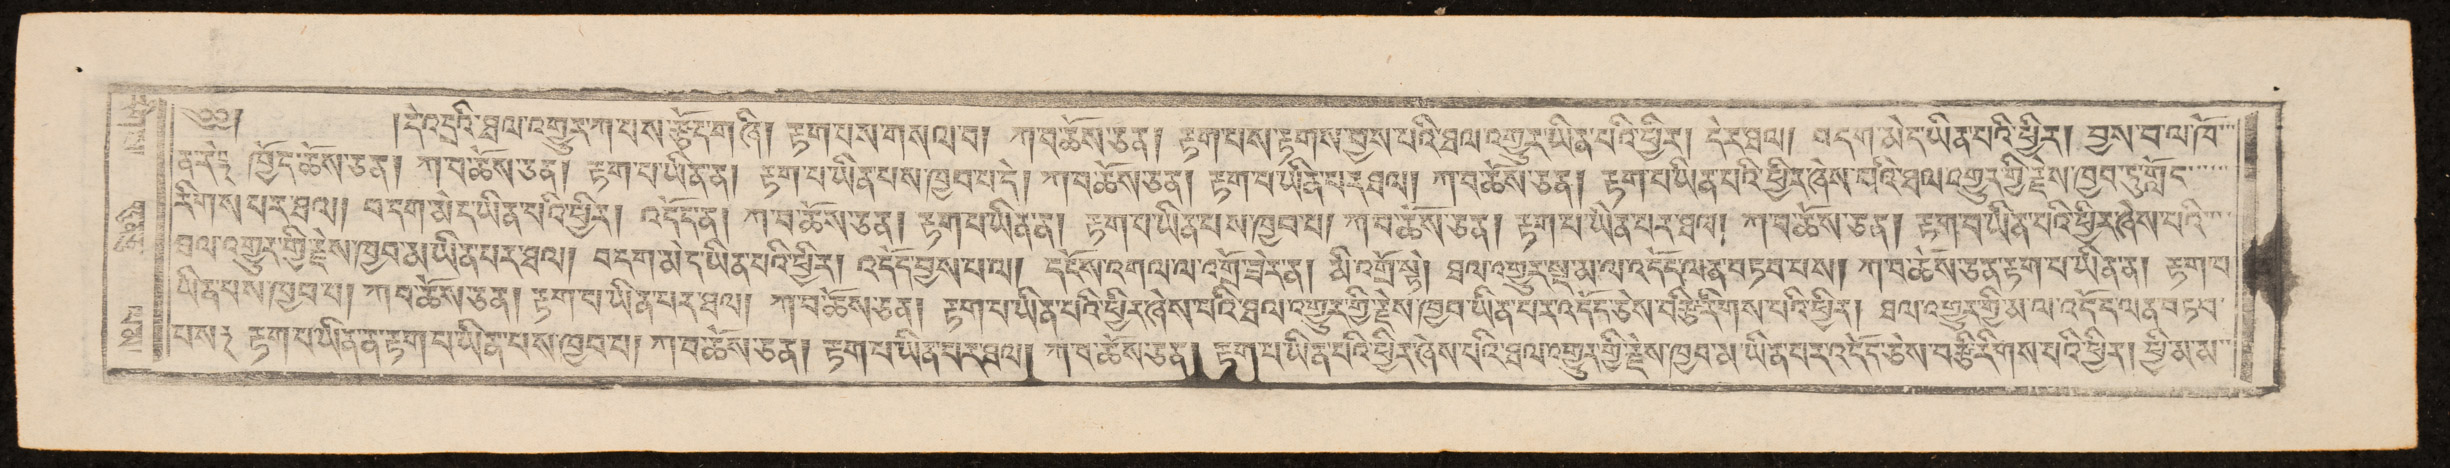༄༅། །དེ་འདྲའི་ཐལ་འགྱུར་ཀ་བས་རྩོད་གཞི། རྟག་པས་གསལ་བ། ཀ་བ་ཆོས་ཅན། རྟག་པས་རྟགས་བྱས་པའི་ཐལ་འགྱུར་ཡིན་པའི་ཕྱིར། དེར་ཐལ། བདག་མེད་ཡིན་པའི་ཕྱིར། བྱས་པ་ལ་ཁོ་
ན་རེ། ཁྱོད་ཆོས་ཅན། ཀ་བ་ཆོས་ཅན། རྟག་པ་ཡིན་ན། རྟག་པ་ཡིན་པས་ཁྱབ་པ་དེ། ཀ་བ་ཆོས་ཅན། རྟག་པ་ཡིན་པར་ཐལ། ཀ་བ་ཆོས་ཅན། རྟག་པ་ཡིན་པའི་ཕྱིར་ཞེས་པའི་ཐལ་འགྱུར་གྱི་རྗེས་ཁྱབ་ཏུ་གློང་
རིགས་པར་ཐལ། བདག་མེད་ཡིན་པའི་ཕྱིར། འདོད་ན། ཀ་བ་ཆོས་ཅན། རྟག་པ་ཡིན་ན། རྟག་པ་ཡིན་པས་ཁྱབ། ཀ་བ་ཆོས་ཅན། རྟག་པ་ཡིན་པར་ཐལ། ཀ་བ་ཆོས་ཅན། རྟག་པ་ཡིན་པའི་ཕྱིར་ཞེས་པའི་
ཐལ་འགྱུར་གྱི་རྗེས་ཁྱབ་མ་ཡིན་པར་ཐལ། བདག་མེད་ཡིན་པའི་ཕྱིར། འདོད་བྱས་པ་ལ། དངོས་འགལ་ལ་འགྲོ་ཟེར་ན། མི་འགྲོ་སྟེ། ཐལ་འགྱུར་སྔ་མ་ལ་འདོད་ལན་བཏབ་པས། ཀ་བ་ཆོས་ཅན་རྟག་པ་ཡིན་ན། རྟག་པ་
ཡིན་པས་ཁྱབ་པ། ཀ་བ་ཆོས་ཅན། རྟག་པ་ཡིན་པར་ཐལ། ཀ་བ་ཆོས་ཅན། རྟག་པ་ཡིན་པའི་ཕྱིར་ཞེས་པའི་ཐལ་འགྱུར་གྱི་རྗེས་ཁྱབ་ཡིན་པར་འདོད་ཅེས་བརྩི་རིགས་པའི་ཕྱིར། ཐལ་འགྱུར་ཕྱི་མ་ལ་འདོད་ལན་བཏབ་
པས། རྟག་པ་ཡིན་ན་རྟག་པ་ཡིན་པས་ཁྱབ་པ། ཀ་བ་ཆོས་ཅན། རྟག་པ་ཡིན་པར་ཐལ། ཀ་བ་ཆོས་ཅན། རྟག་པ་ཡིན་པའི་ཕྱིར་ཞེས་པའི་ཐལ་འགྱུར་གྱི་རྗེས་ཁྱབ་མ་ཡིན་པར་འདོད་ཅེས་བརྩི་རིགས་པའི་ཕྱིར། ཕྱི་མ་མ་